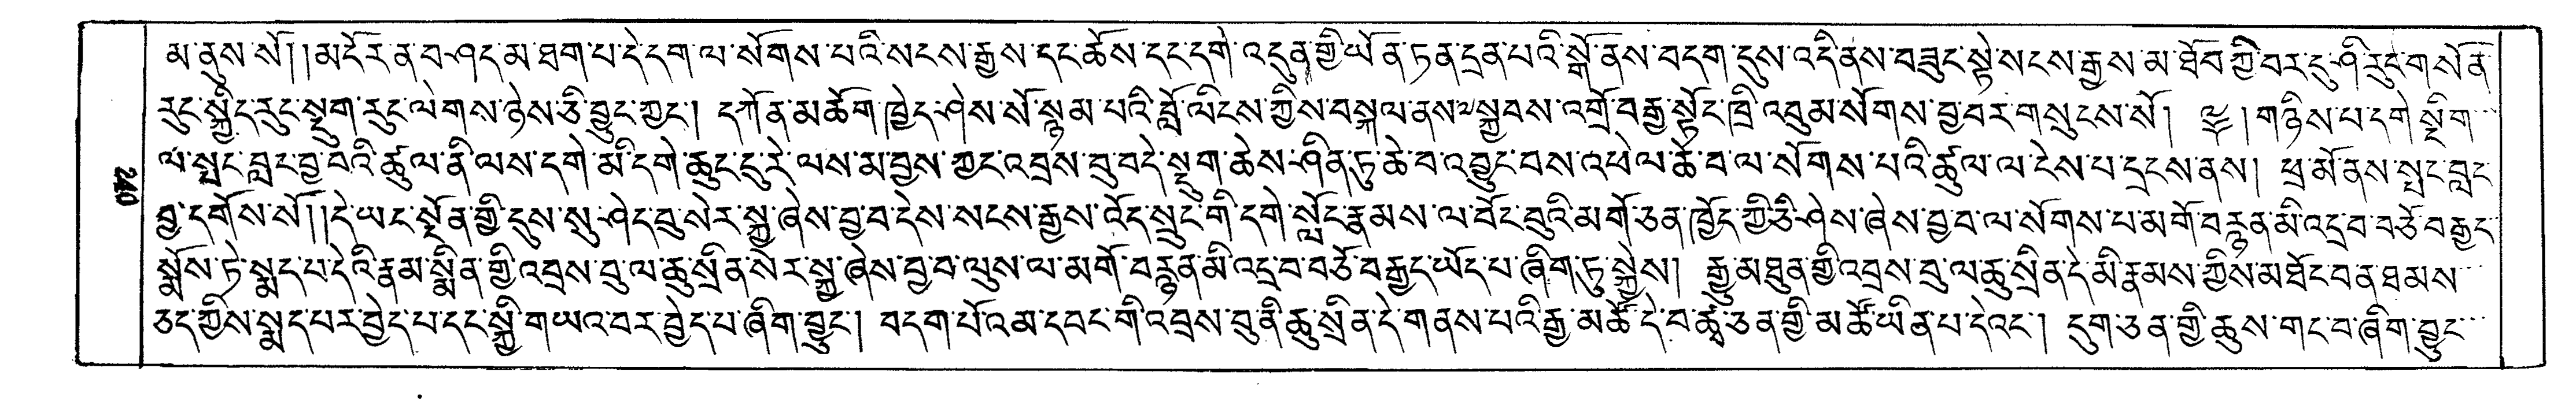མ་ནུས་སོ། །མདོར་ན་བཤད་མ་ཐག་པ་དེ་དག་ལ་སོགས་པའི་སངས་རྒྱས་དང་ཆོས་དང་དགེ་འདུན་གྱི་ཡོན་ཏན་དྲན་པའི་སྒོ་ནས་བདག་དུས་འདི་ནས་བཟུང་སྟེ་སངས་རྒྱས་མ་ཐོབ་ཀྱི་བར་དུ་ཤི་རུང་གསོན་
རུང་སྐྱིད་རུང་སྡུག་རུང་ལེགས་ཉེས་ཅི་བྱུང་ཀྱང་། དཀོན་མཆོག་ཁྱེད་ཤེས་སོ་སྙམ་པའི་བློ་ལིངས་ཀྱིས་བསྐལ་ནས ༧སྐྱབས་འགྲོ་བརྒྱ་སྟོང་ཁྲི་འབུམ་སོགས་བྱ་བར་གསུངས་སོ། ༈ །གཉིས་པ་དགེ་སྡིག་
ལ་སྤང་བླང་བྱ་བའི་ཚུལ་ནི་ལས་དགེ་མི་དགེ་ཆུང་ངུ་རེ་ལས་མ་བྱས་ཀྱང་འབྲས་བུ་བདེ་སྡུག་ཆེས་ཤིན་ཏུ་ཆེ་བ་འབྱུང་བས་འཕེལ་ཆེ་བ་ལ་སོགས་པའི་ཚུལ་ལ་ངེས་པ་དྲངས་ནས། ཕྲ་མོ་ནས་སྤང་བླང་
བྱ་དགོས་སོ། །དེ་ཡང་སྔོན་གྱི་དུས་སུ་ཤེད་བུ་སེར་སྐྱ་ཞེས་བྱ་བ་དེས་སངས་རྒྱས་འོད་སྲུང་གི་དགེ་སློང་རྣམས་ལ་བོང་བུའི་མགོ་ཅན་ཁྱོད་ཀྱི་ཅི་ཤེས་ཞེས་བྱ་བ་ལ་སོགས་པ་མགོ་བརྙན་མི་འདྲ་བ་བཅོ་བརྒྱད་
སྨོས་ཏེ་སྨད་པ་དེའི་རྣམ་སྨིན་གྱི་འབྲས་བུ་ལ་ཆུ་སྲིན་སེར་སྐྱ་ཞེས་བྱ་བ་ལུས་ལ་མགོ་བརྙན་མི་འདྲ་བ་བཅོ་བརྒྱད་ཡོད་པ་ཞིག་ཏུ་སྐྱེས། རྒྱུ་མཐུན་ཀྱི་འབྲས་བུ་ལ་ཆུ་སྲིན་དེ་མི་རྣམས་ཀྱིས་མཐོང་བ་ན་ཐམས་
ཅད་ཀྱིས་སྨད་པར་བྱེད་པ་དང་སྐྱི་གཡའ་བར་བྱེད་པ་ཞིག་བྱུང་། བདག་པོ་འམ་དབང་གི་འབྲས་བུ་ནི་ཆུ་སྲིན་དེ་གནས་པའི་རྒྱ་མཚོ་དེ་བ་ཚྭ་ཅན་གྱི་མཚོ་ཡིན་པ་དེའང་། དུག་ཅན་གྱི་ཆུས་གང་བ་ཞིག་བྱུང་